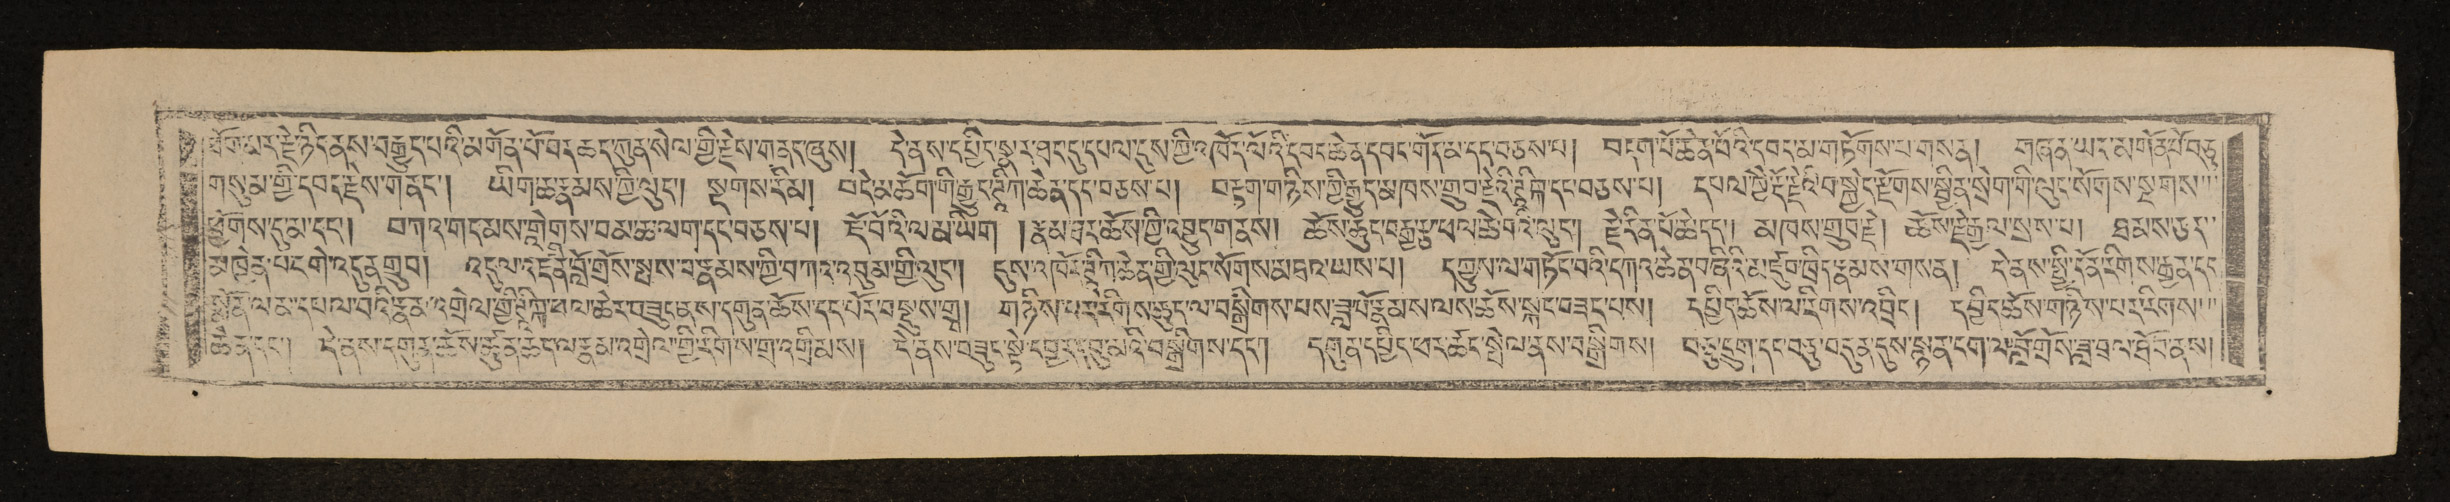ཐོག་མར་རྗེ་ཉིད་ནས་བརྒྱུད་པའི་མགོན་པོ་བར་ཆད་ཀུན་སེལ་གྱི་རྗེས་གནང་ཞུས། དེ་ནས་དཔྱིད་སྣར་ཐང་དུ་དཔལ་དུས་ཀྱི་འཁོར་ལོའི་དབང་ཆེན་དབང་གོར་མ་དང་བཅས་པ། བདག་པོ་ཆེན་པོའི་དབང་མ་གཏོགས་པ་གསན། གཞན་ཡང་མགོན་པོ་བཅུ་
གསུམ་གྱི་དབང་རྗེས་གནང་། ཡིག་ཆ་རྣམས་ཀྱི་ལུང་། སྔགས་རིམ། བདེ་མཆོག་གི་རྒྱུད་ཊཱིཀ་ཆེན་དང་བཅས་པ། བརྟག་གཉིས་ཀྱི་རྒྱུད་མཁས་གྲུབ་རྗེའི་ཊཱིཀྐ་དང་བཅས་པ། དཔལ་ཀྱཻ་རྡོ་རྗེའི་བསྐྱེད་རྫོགས་སྦྱིན་སྲེག་གི་ལུང་སོགས་སྔགས་
ཕྱོགས་དུ་མ་དང་། བཀའ་གདམས་གླེགས་བམ་ཆ་ལག་དང་བཅས་པ། ཇོ་བོའི་ལམ་ཡིག །རྣམ་ཐར་ཆོས་ཀྱི་འབྱུང་གནས། ཆོས་ཆུང་བ་རྒྱ་རྩ་ཕལ་ཆེ་བའི་ལུང་། རྗེ་རིན་པོ་ཆེ་དང་། མཁས་གྲུབ་རྗེ། ཆོས་རྗེ་རྒྱལ་སྲས་པ། ཐམས་ཅད་
མཁྱེན་པ་དགེ་འདུན་གྲུབ། འདུལ་འཛིན་བློ་གྲོས་སྦས་པ་རྣམས་ཀྱི་བཀའ་འབུམ་གྱི་ལུང་། དུས་འཁོར་ཊཱིཀ་ཆེན་གྱི་ལུང་སོགས་མཐའ་ཡས་པ། དཀྱུས་ལ་གཏོང་བའི་དཀའ་ཆེན་བཞིའི་མཛུབ་ཁྲིད་རྣམས་གསན། དེ་ནས་སྤྱི་དོན་རིགས་རྒྱན་དང་།
སྨོན་ལམ་དཔལ་བའི་རྣམ་འགྲེལ་གྱི་ཊཱིཀྐ་ཕལ་ཆེར་བཟུང་ནས་དགུན་ཆོས་དང་པོར་བསྡུས་གྲྭ། གཉིས་པར་རིགས་ཆུང་ལ་བསྒྲིགས་པས་ཟླ་བོ་རྣམས་ལས་ཆོས་སྐད་བཟང་པས། དཔྱིད་ཆོས་ལ་རིགས་འབྲིང་། དཔྱིད་ཆོས་གཉིས་པར་རིགས་
ཆེན་དང་། དེ་ནས་དགུན་ཆོས་ཚུན་ཆད་ལ་རྣམ་འགྲེལ་གྱི་རིགས་གྲ་འགྲིམས། དེ་ནས་བཟུང་སྟེ་དབྱར་དབུ་མའི་བསྒྲིགས་དང་། དགུན་དཔྱིད་ཕར་ཚད་སྤེལ་ནས་བསྒྲིགས། བཅུ་དྲུག་དང་བཅུ་བདུན་དུས་སྙན་ངག་ལ་བློ་གྲོས་ཟླ་བྲལ་ཐོབ་ནས།